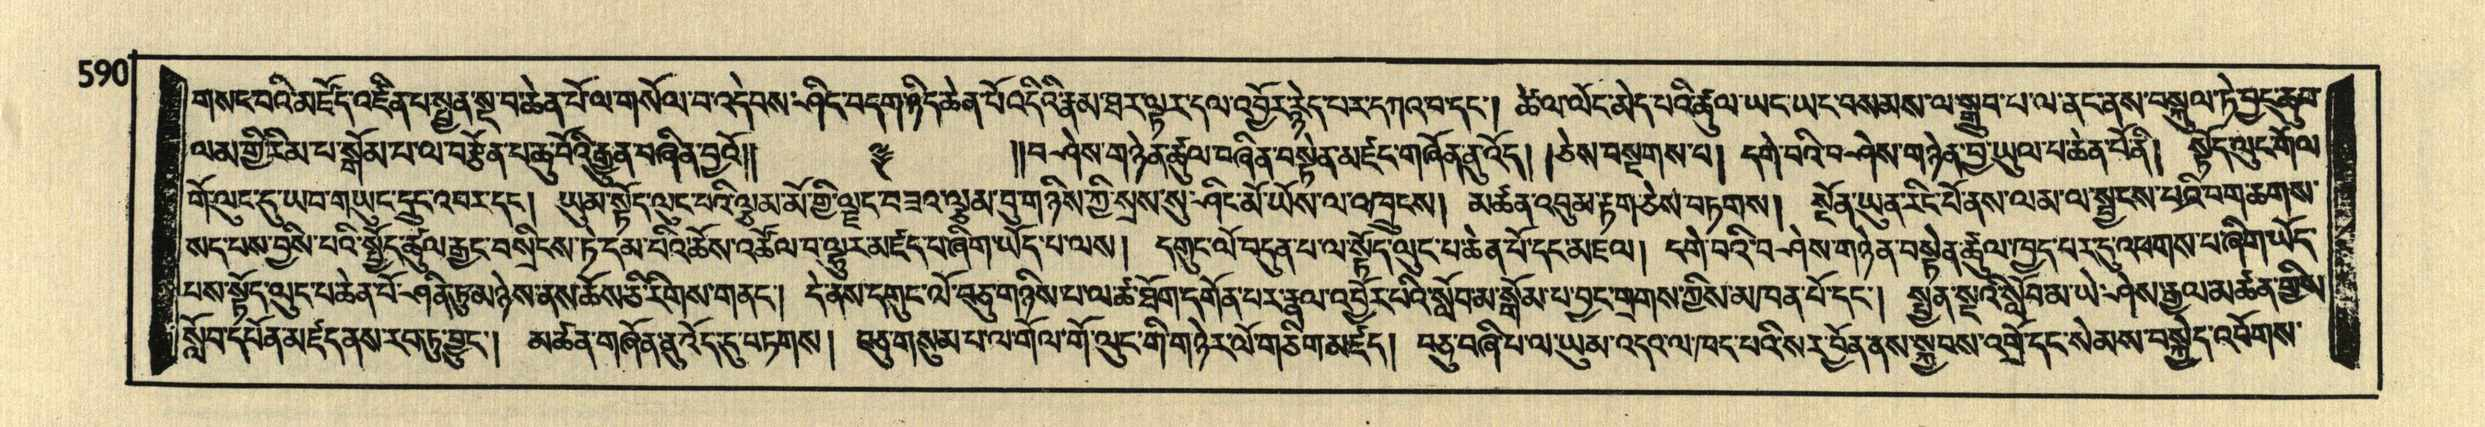གསང་བའི་མཛོད་འཛིན་པ་སྤྱན་སྔ་བ་ཆེན་པོ་ལ་གསོལ་བ་འདེབས་ཤིང་བདག་ཉིད་ཆེན་པོ་འདིའི་རྣམ་ཐར་ལྟར་དལ་འབྱོར་རྙེད་པར་དཀའ་བ་དང་། ཚེ་ལ་ལོང་མེད་པའི་ཚུལ་ཡང་ཡང་བསམས་ལ་སྒྲུབ་པ་ལ་ནང་ནས་བསྐུལ་ཏེ་བྱང་ཆུབ་
ལམ་གྱི་རིམ་པ་སྒོམ་པ་ལ་བརྩོན་པ་ཆུ་བོའི་རྒྱུན་བཞིན་བྱའོ།། ༈ །།བཤེས་གཉེན་ཚུལ་བཞིན་བསྟེན་མཛད་གཞོན་ནུ་འོད། །ཅེས་བསྔགས་པ། དགེ་བའི་བཤེས་གཉེན་བྱ་ཡུལ་པ་ཆེན་པོ་ནི། སྟོད་ལུང་གོལ་
གོ་ལུང་དུ་ཡབ་གཡུང་དྲུང་འབར་དང་། ཡུམ་སྟོད་ལུང་པའི་ལྕམ་མོ་གྱི་ལྗང་བཟའ་ལྕམ་བུ་གཉིས་ཀྱི་སྲས་སུ་ཤིང་མོ་ཡོས་ལ་འཁྲུངས། མཚན་འབུམ་རྟག་ཅེས་བཏགས། སྔོན་ཡུན་རིང་པོ་ནས་ལམ་ལ་སྦྱངས་པའི་བག་ཆགས་
སད་པས་བྱིས་པའི་སྤྱོད་ཚུལ་རྒྱང་བསྲིངས་ཏེ་དམ་པའི་ཆོས་འཚོལ་བ་ལྷུར་མཛད་པ་ཞིག་ཡོད་པ་ལས། དགུང་ལོ་བདུན་པ་ལ་སྟོད་ལུང་པ་ཆེན་པོ་དང་མཇལ། དགེ་བའི་བཤེས་གཉེན་བསྟེན་ཚུལ་ཁྱད་པར་དུ་འཕགས་པ་ཞིག་ཡོད་
པས་སྟོད་ལུང་པ་ཆེན་པོ་ཤིན་ཏུ་མཉེས་ནས་ཆོས་ཅི་རིགས་གནང་། དེ་ནས་དགུང་ལོ་བཅུ་གཉིས་པ་ལ་ཚ་ཐོག་དགོན་པར་རྣལ་འབྱོར་པའི་སློབ་མ་སྒོམ་པ་བྱང་གྲགས་ཀྱིས་མཁན་པོ་དང་། སྤྱན་སྔའི་སློབ་མ་ཡེ་ཤེས་རྒྱལ་མཚན་གྱིས་
སློབ་དཔོན་མཛད་ནས་རབ་ཏུ་བྱུང་། མཚན་གཞོན་ནུ་འོད་དུ་བཏགས། བཅུ་གསུམ་པ་ལ་གོལ་གོ་ལུང་གི་གཉེར་ལོ་གཅིག་མཛད། བཅུ་བཞི་པ་ལ་ཡུམ་འདའ་ལ་ཁང་པའི་སར་བྱོན་ནས་སྐྱབས་འགྲོ་དང་སེམས་བསྐྱེད་འབོགས་